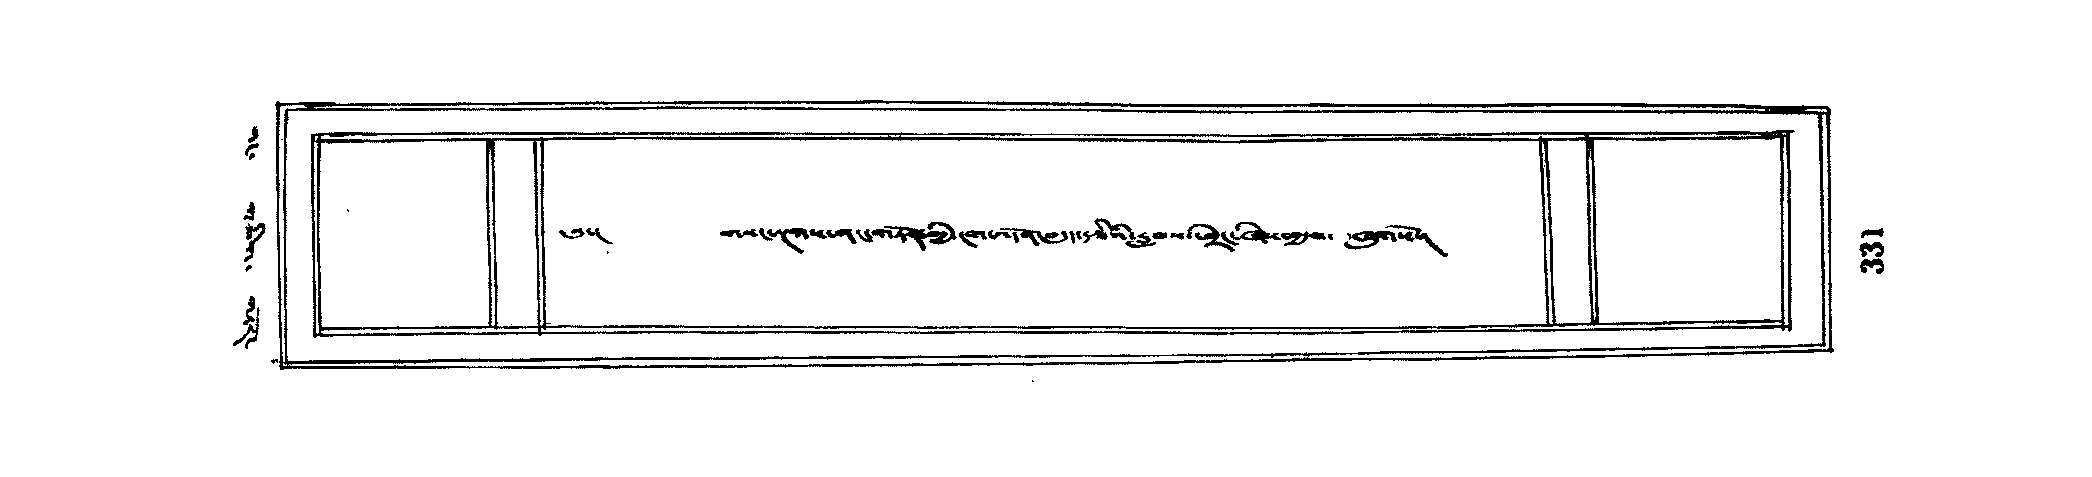༄༅། གསང་སྔགས་ནང་གཏོར་གྱི་ངག་འདོན་བདུད་རྩིའི་རླབས་ཕྲེང་ཞེས་བྱ་བ་བཞུགས་སོ།